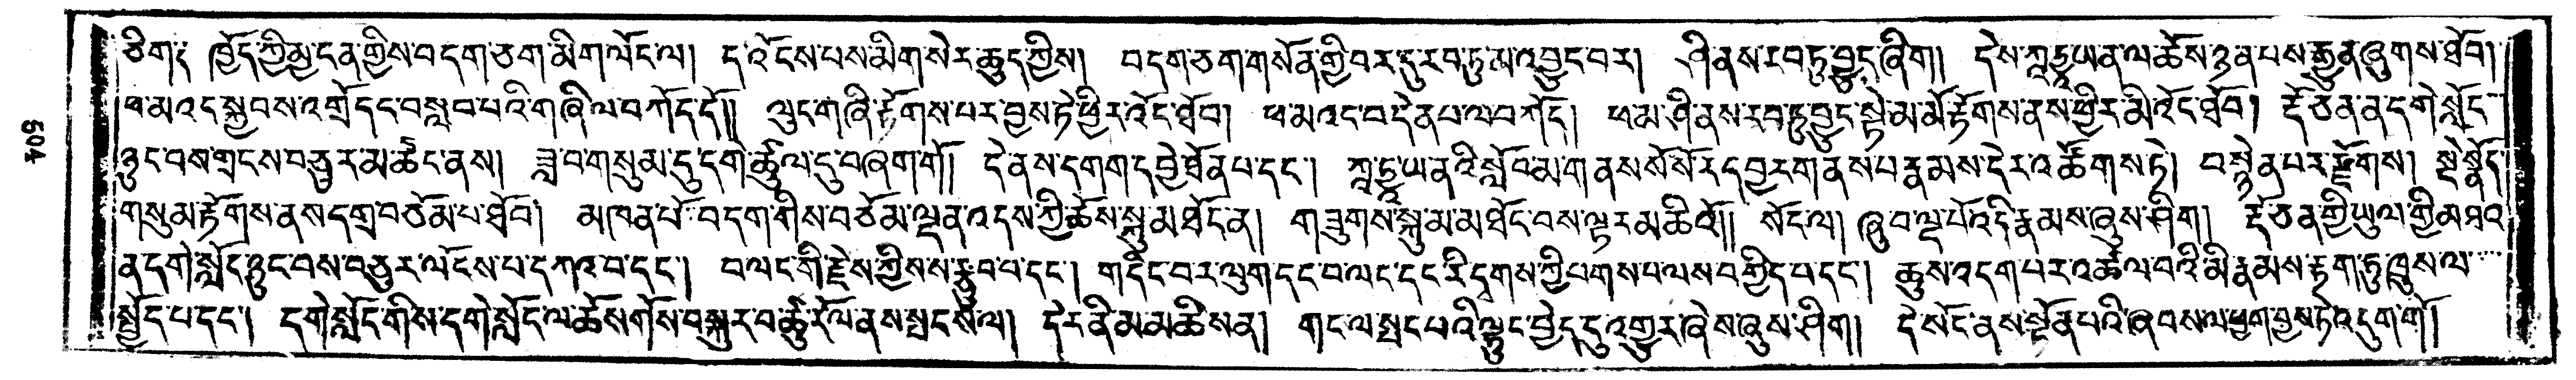ཅིག༑ ཁྱོད་ཀྱི་མྱ་ངན་གྱིས་བདག་ཅག་མིག་ལོང་ལ། ད་འོངས་པས་མིག་སེར་ཆུད་ཀྱིས། བདག་ཅག་གསོན་གྱི་བར་དུ་རབ་ཏུ་མ་འབྱུང་བར། ཤི་ནས་རབ་ཏུ་བྱུང་ཞིག། དེས་ཀཱ་ཏྱཱ་ཡན་ལ་ཆོས་ཉན་པས་རྒྱུན་ཞུགས་ཐོབ།
ཕ་མའང་སྐྱབས་འགྲོ་དང་བསླབ་པའི་གཞིལ་བཀོད་དོ། །ལུང་གཞི་རྟོགས་པར་བྱས་ཏེ་ཕྱིར་འོང་ཐོབ། ཕ་མའང་བདེན་པ་ལ་བཀོད། ཕ་མ་ཤི་ནས་རབ་ཏུ་བྱུང་སྟེ་མ་མོ་རྟོགས་ནས་ཕྱིར་མི་འོང་ཐོབ། རྡོ་ཅན་ན་དགེ་སློང་
ཉུང་བས་གྲངས་བཅུར་མ་ཚང་ནས། ཟླ་བ་གསུམ་དུ་དགེ་ཚུལ་དུ་བཞག་གོ། དེ་ནས་དགག་དབྱེ་ཐོན་པ་དང་། ཀཱ་ཏྱཱ་ཡ་ནའི་སློབ་མ་གནས་སོ་སོར་དབྱར་གནས་པ་རྣམས་དེར་འཚོགས་ཏེ། བསྙེན་པར་རྫོགས། སྡེ་སྣོད་
གསུམ་རྟོགས་ནས་དགྲ་བཅོམ་པ་ཐོབ། མཁན་པོ་བདག་གིས་བཅོམ་ལྡན་འདས་ཀྱི་ཆོས་སྐུ་མཐོང་ན། གཟུགས་སྐུ་མ་མཐོང་བས་ལྟར་མཆིའོ།། སོང་ལ། ཞུ་བ་ལྔ་པོ་འདི་རྣམས་ཞུས་ཤིག། རྡོ་ཅན་གྱི་ཡུལ་གྱི་མཐའ་
ན་དགེ་སློང་ཉུང་བས་བཅུར་ལོངས་པ་དཀའ་བ་དང་། བ་ལང་གི་རྗེས་ཀྱིས་ས་རྩུབ་པ་དང་། གདིང་བ་ར་ལུག་དང་བ་ལང་དང་རི་དྭགས་ཀྱི་པགས་པ་ལས་བགྱིད་པ་དང་། ཆུས་འདག་པར་འཚལ་བའི་མི་རྣམས་རྟག་ཏུ་ཁྲུས་ལ་
སྤྱོད་པ་དང་། དགེ་སློང་གིས་དགེ་སློང་ལ་ཆོས་གོས་བསྐུར་བ་ཚུ་རོལ་ནས་སྤངས་ལ། དེར་ནི་མ་མཆིས་ན། གང་ལ་སྤང་པའི་ལྟུང་བྱེད་དུ་འགྱུར་ཞེས་ཞུས་ཤིག། དེ་སོང་ནས་སྟོན་པའི་ཞབས་ལ་ཕྱག་བྱས་ཏེ་འདུག་གོ།